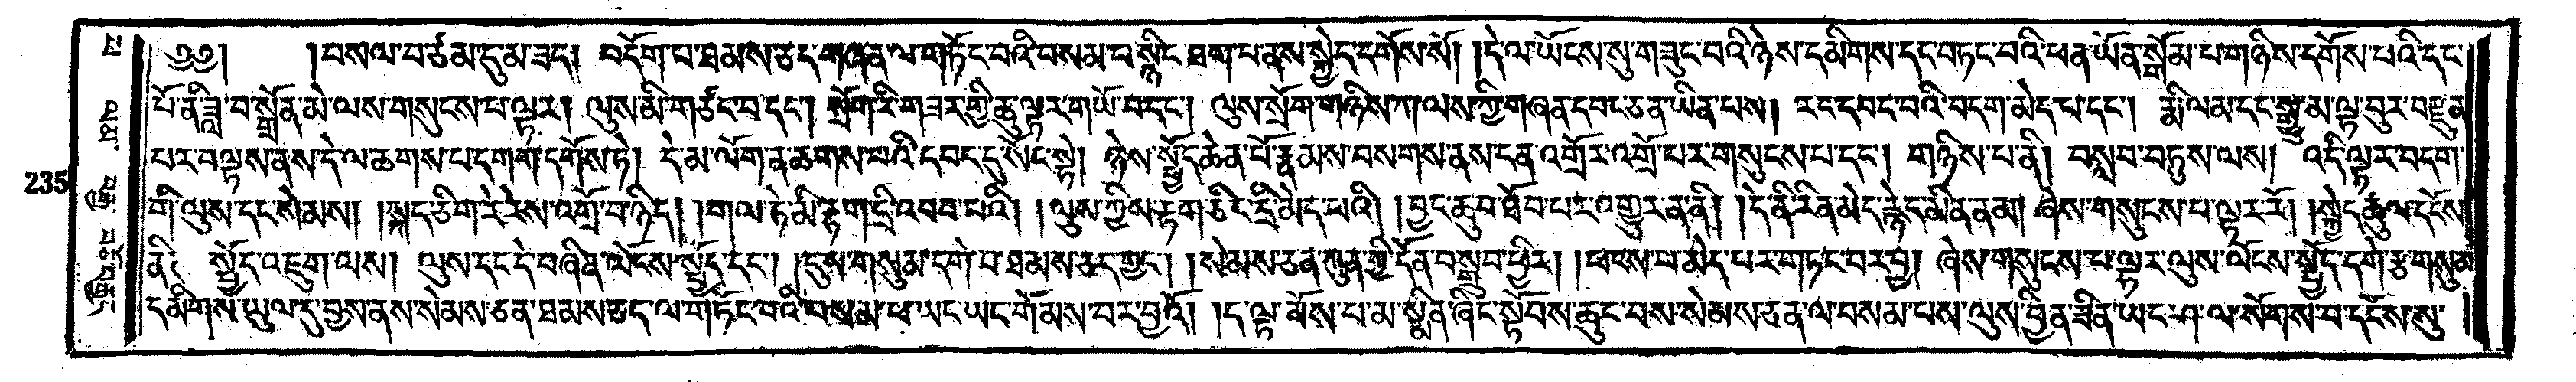༄༅། །བསལ་བ་ཙམ་དུ་མ་ཟད། བདོག་པ་ཐམས་ཅད་གཞན་ལ་གཏོང་བའི་བསམ་བ་སྙིང་ཐག་པ་ནས་སྐྱེད་དགོས་སོ། །དེ་ལ་ཡོངས་སུ་གཟུང་བའི་ཉེས་དམིགས་དང་བཏང་བའི་ཕན་ཡོན་སྒོམ་པ་གཉིས་དགོས་པའི་དང་
པོ་ནི་ཟླ་བ་སྒྲོན་མེ་ལས་གསུངས་པ་ལྟར། ལུས་མི་གཙང་བ་དང་། སྲོག་རི་གཟར་གྱི་ཆུ་ལྟར་གཡོ་བ་དང་། ལུས་སྲོག་གཉིས་ཀ་ལས་ཀྱི་གཞན་དབང་ཅན་ཡིན་པས། རང་དབང་བའི་བདག་མེད་པ་དང་། རྨི་ལམ་དང་སྒྱུ་མ་ལྟ་བུར་བརྫུན་
པར་བལྟས་ནས་དེ་ལ་ཆགས་པ་དགག་དགོས་ཏེ། དེ་མ་ལོག་ན་ཆགས་པའི་དབང་དུ་སོང་སྟེ། ཉེས་སྤྱོད་ཆེན་པོ་རྣམས་བསགས་ནས་ངན་འགྲོར་འགྲོ་པར་གསུངས་པ་དང་། གཉིས་པ་ནི། བསླབ་བཏུས་ལས། འདི་ལྟར་བདག་
གི་ལུས་དང་སེམས། །སྐད་ཅིག་རེ་རེས་འགྲོ་བ་ཉིད། །གལ་ཏེ་མི་རྟག་དྲི་འབབ་པའི། །ལྕས་ཀྱིས་རྟག་ཅིང་དྲི་མེད་པའི། །བྱང་ཆུབ་ཐོབ་པར་འགྱུར་ན་ནི། །དེ་ནི་རིན་མེད་རྙེད་མིན་ནམ། ཞེས་གསུངས་པ་ལྟར་རོ། །སྐྱེད་ཚུལ་དངོས་
ནི༑ སྤྱོད་འཇུག་ལས། ལུས་དང་དེ་བཞིན་ལོངས་སྤྱོད་དང་། །དུས་གསུམ་དགེ་བ་ཐམས་ཅད་ཀྱང་། །སེམས་ཅན་ཀུན་གྱི་དོན་བསྒྲུབ་ཕྱིར། །ཕངས་པ་མེད་པར་གཏང་བར་བྱ། ཞེས་གསུངས་པ་ལྟར་ལུས་ལོངས་སྤྱོད་དགེ་རྩ་གསུམ་
དམིགས་ཡུལ་དུ་བྱས་ནས་སེམས་ཅན་ཐམས་ཅད་ལ་གཏོང་བའི་བསམ་པ་ཡང་ཡང་གོམས་བར་བྱའོ། །ད་ལྟ་མོས་པ་མ་སྨིན་ཞིང་སྟོབས་ཆུང་བས་སེམས་ཅན་ལ་བསམ་པས་ལུས་བྱིན་ཟིན་ཡང་ཤ་ལ་སོགས་བ་དངོས་སུ་